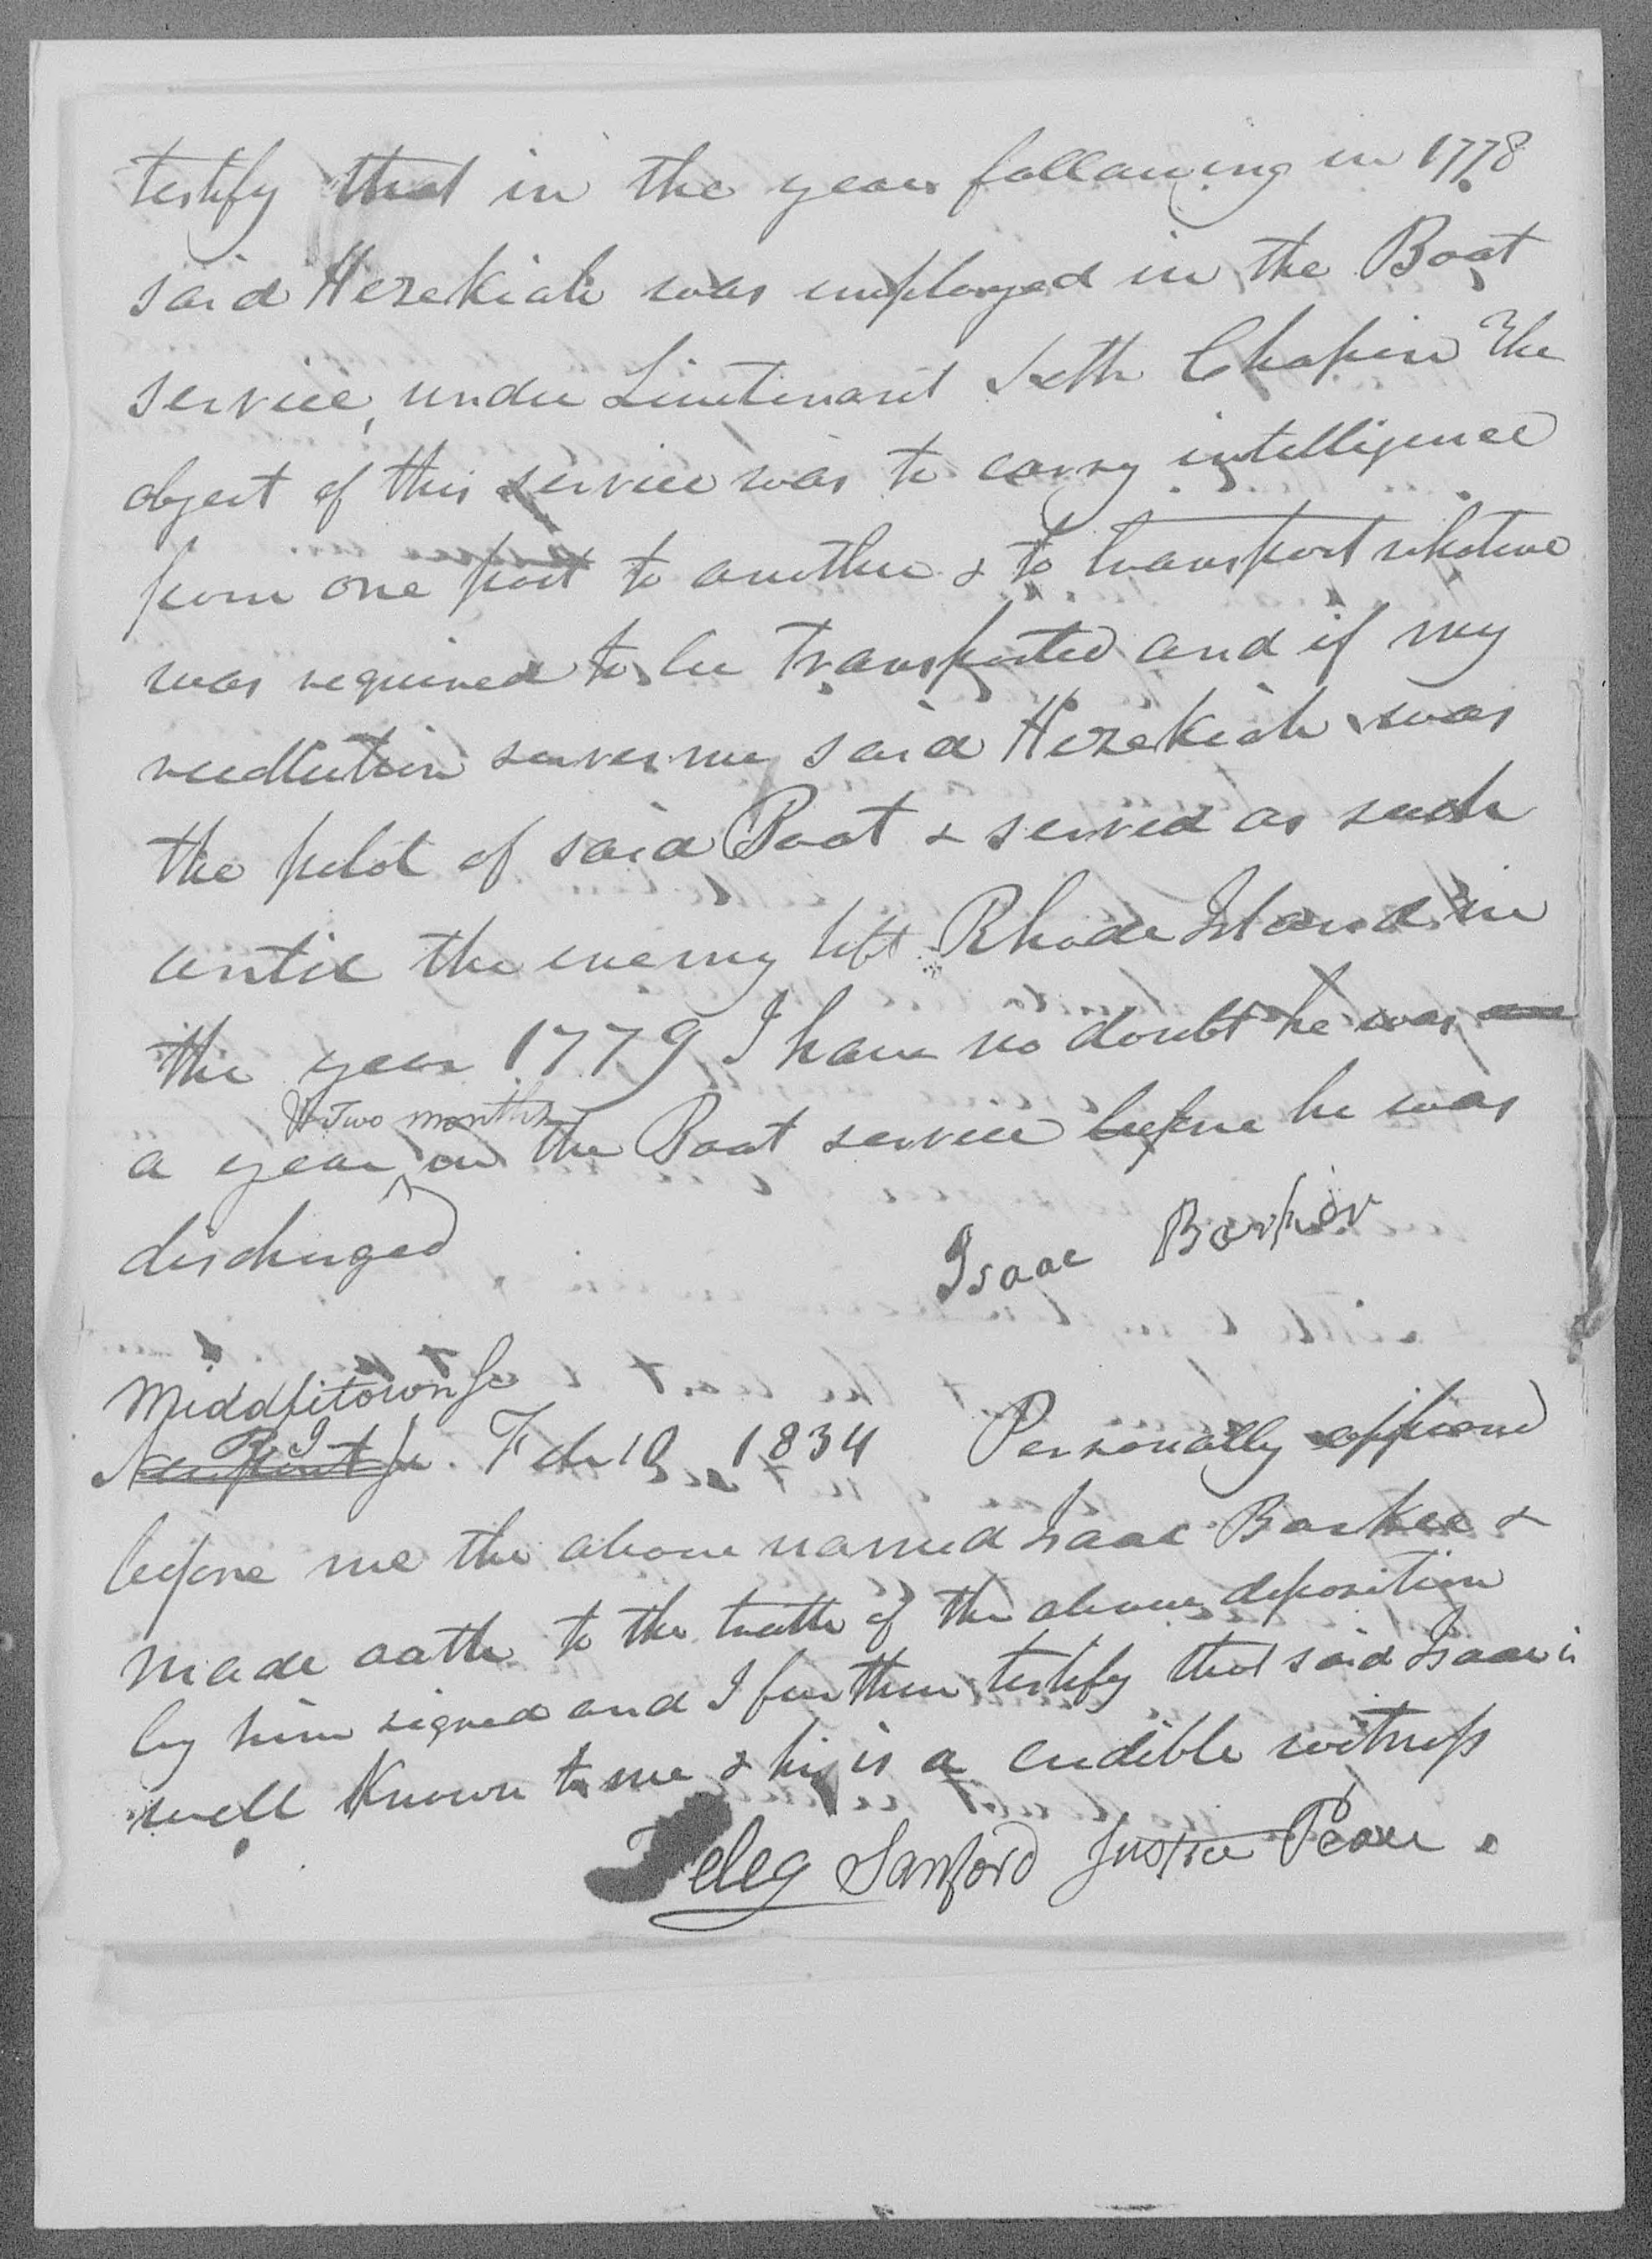testify that in the year following in 1778
said Hezekiah was employed in the Boat
service in under Lieutenant Seth Chapin.  The
object of this service was to carry intelligence
from one post to another & to transport whatever
was required to be transported and if my
recollection serves me I said Hezekiah was
the pilot of said Boat & served as such
until the enemy left Rhode Island in
the year 1779.  I have no doubt he was 
a year & two months on the Boat service before he was
discharged.
Isaac Barker

Middletown sc Feb 10, 1834 Personally appeared
before me the above named Isaac Barker &
made oath to the truth of the above deposition
by him signed and I further testify that said Isaac is
well known to me & he is a credible witness
Peleg Sanford Justice Peace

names: Isaac Barker, Isaac, Seth Chapin, Isaac Barker, Hezekiah, Peleg Sanford, Hezekiah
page: 35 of 52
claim: widow's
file: W. 18,565, Hezekiah Barker, Continental R.I.